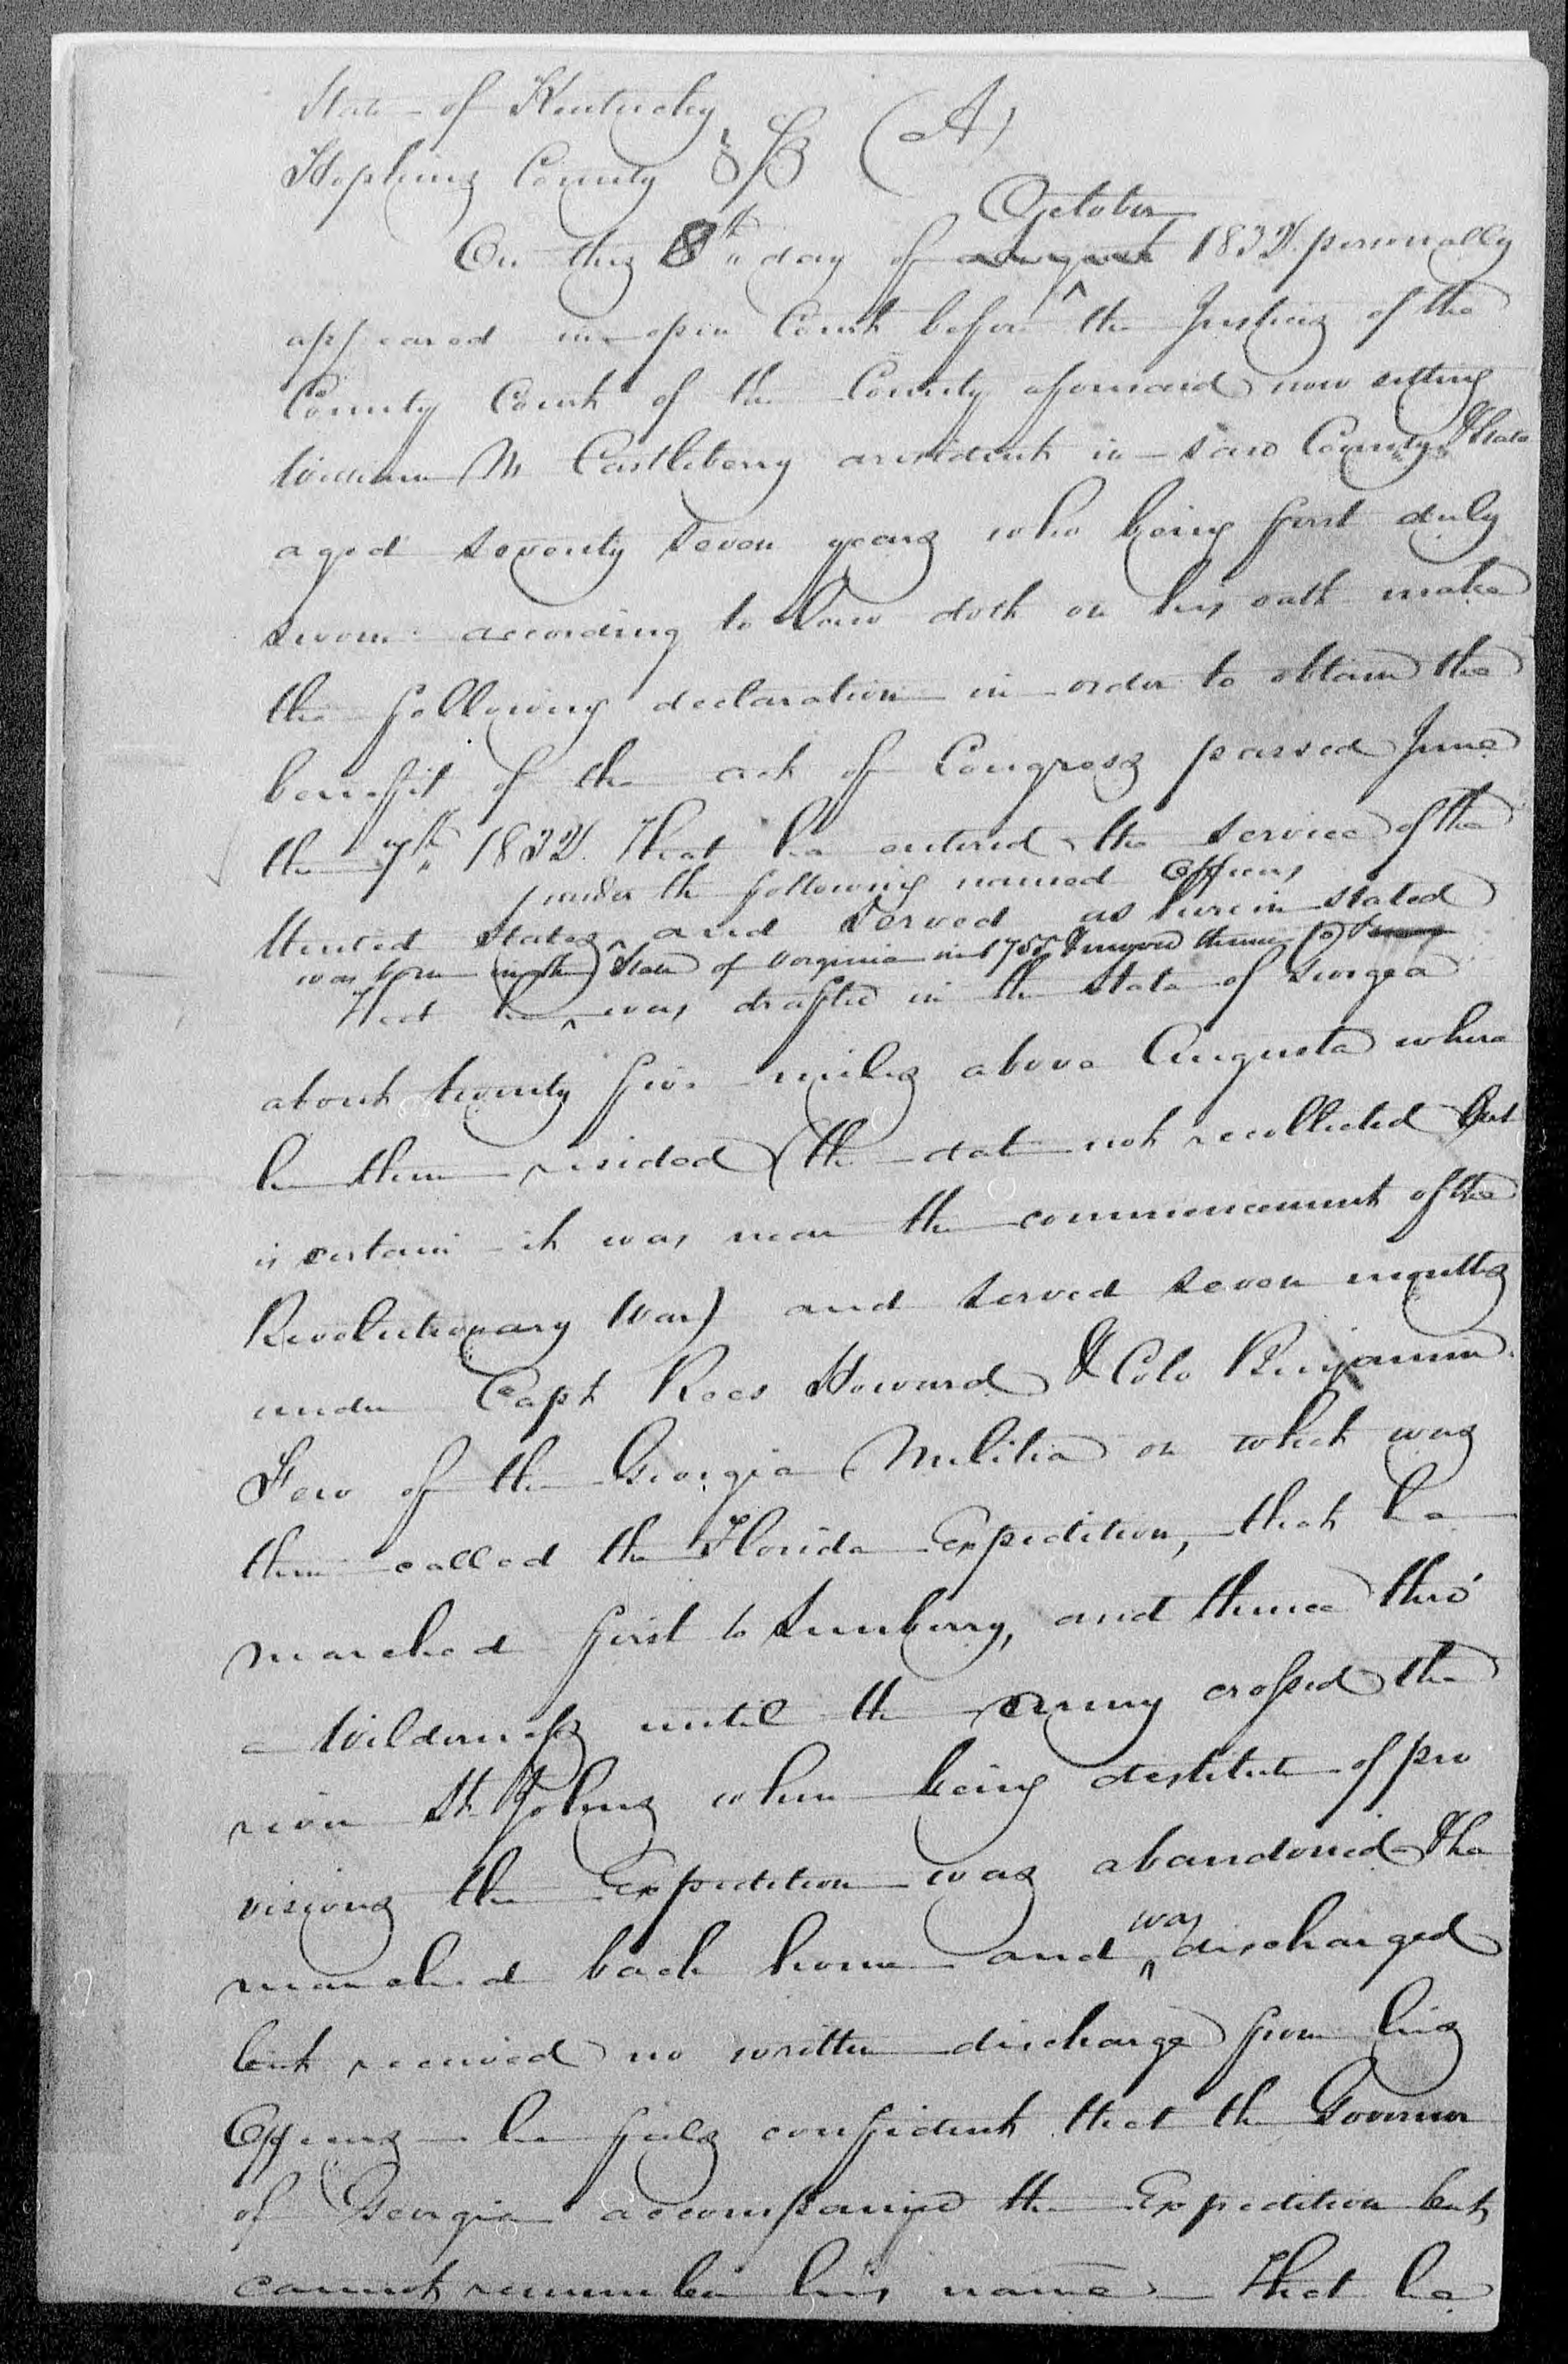State of Kentucky
Hopkins County

On this 8th day of October [crossed out] August 1832. Personally
appeared in open Court before the Justices of the
County Court of the County aforesaid now sitting
William M Castleberg [illegible] in said County. He is
aged seventy seven years who being first duly
sworn according to law doth on his oath make
the following declaration in order to obtain the
benefit of the act of Congress passed June
the 7th 1832. That he entered the service of the
United States under the following named officers and served as herein stated.
First he was [illegible] in the State of Virginia in 1755 [illegible] and thence [smudged] 
was drafted in the State of Georgia
about twenty five miles above Augusta where
he then presided (the dates not recollected but
is certain it was near the commencement of the
Revolutionary War) and served seven [illegible]
under Capt. Rees Howard & Colo Benjamin
Fero of the Georgia Militia on what was
then called the Florida Expedition, that he
marched first to Sunberry, and thence this
Wilden [illegible] of until the [illegible] roped the
[illegible] [illegible] when being [illegible] of prevising
the Expedition was abandoned. He
marched back home and was [discharged]
but received no written discharge from his
[illegible] he feels confident that the Governor
of Georgia accompanied the Expedition but
cannot remember his name that he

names: Benjamin Fero, Rees Howard, William M Castleberry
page: 4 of 20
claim: survivor's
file: S. 16,337, William M Castleberry, Ga.